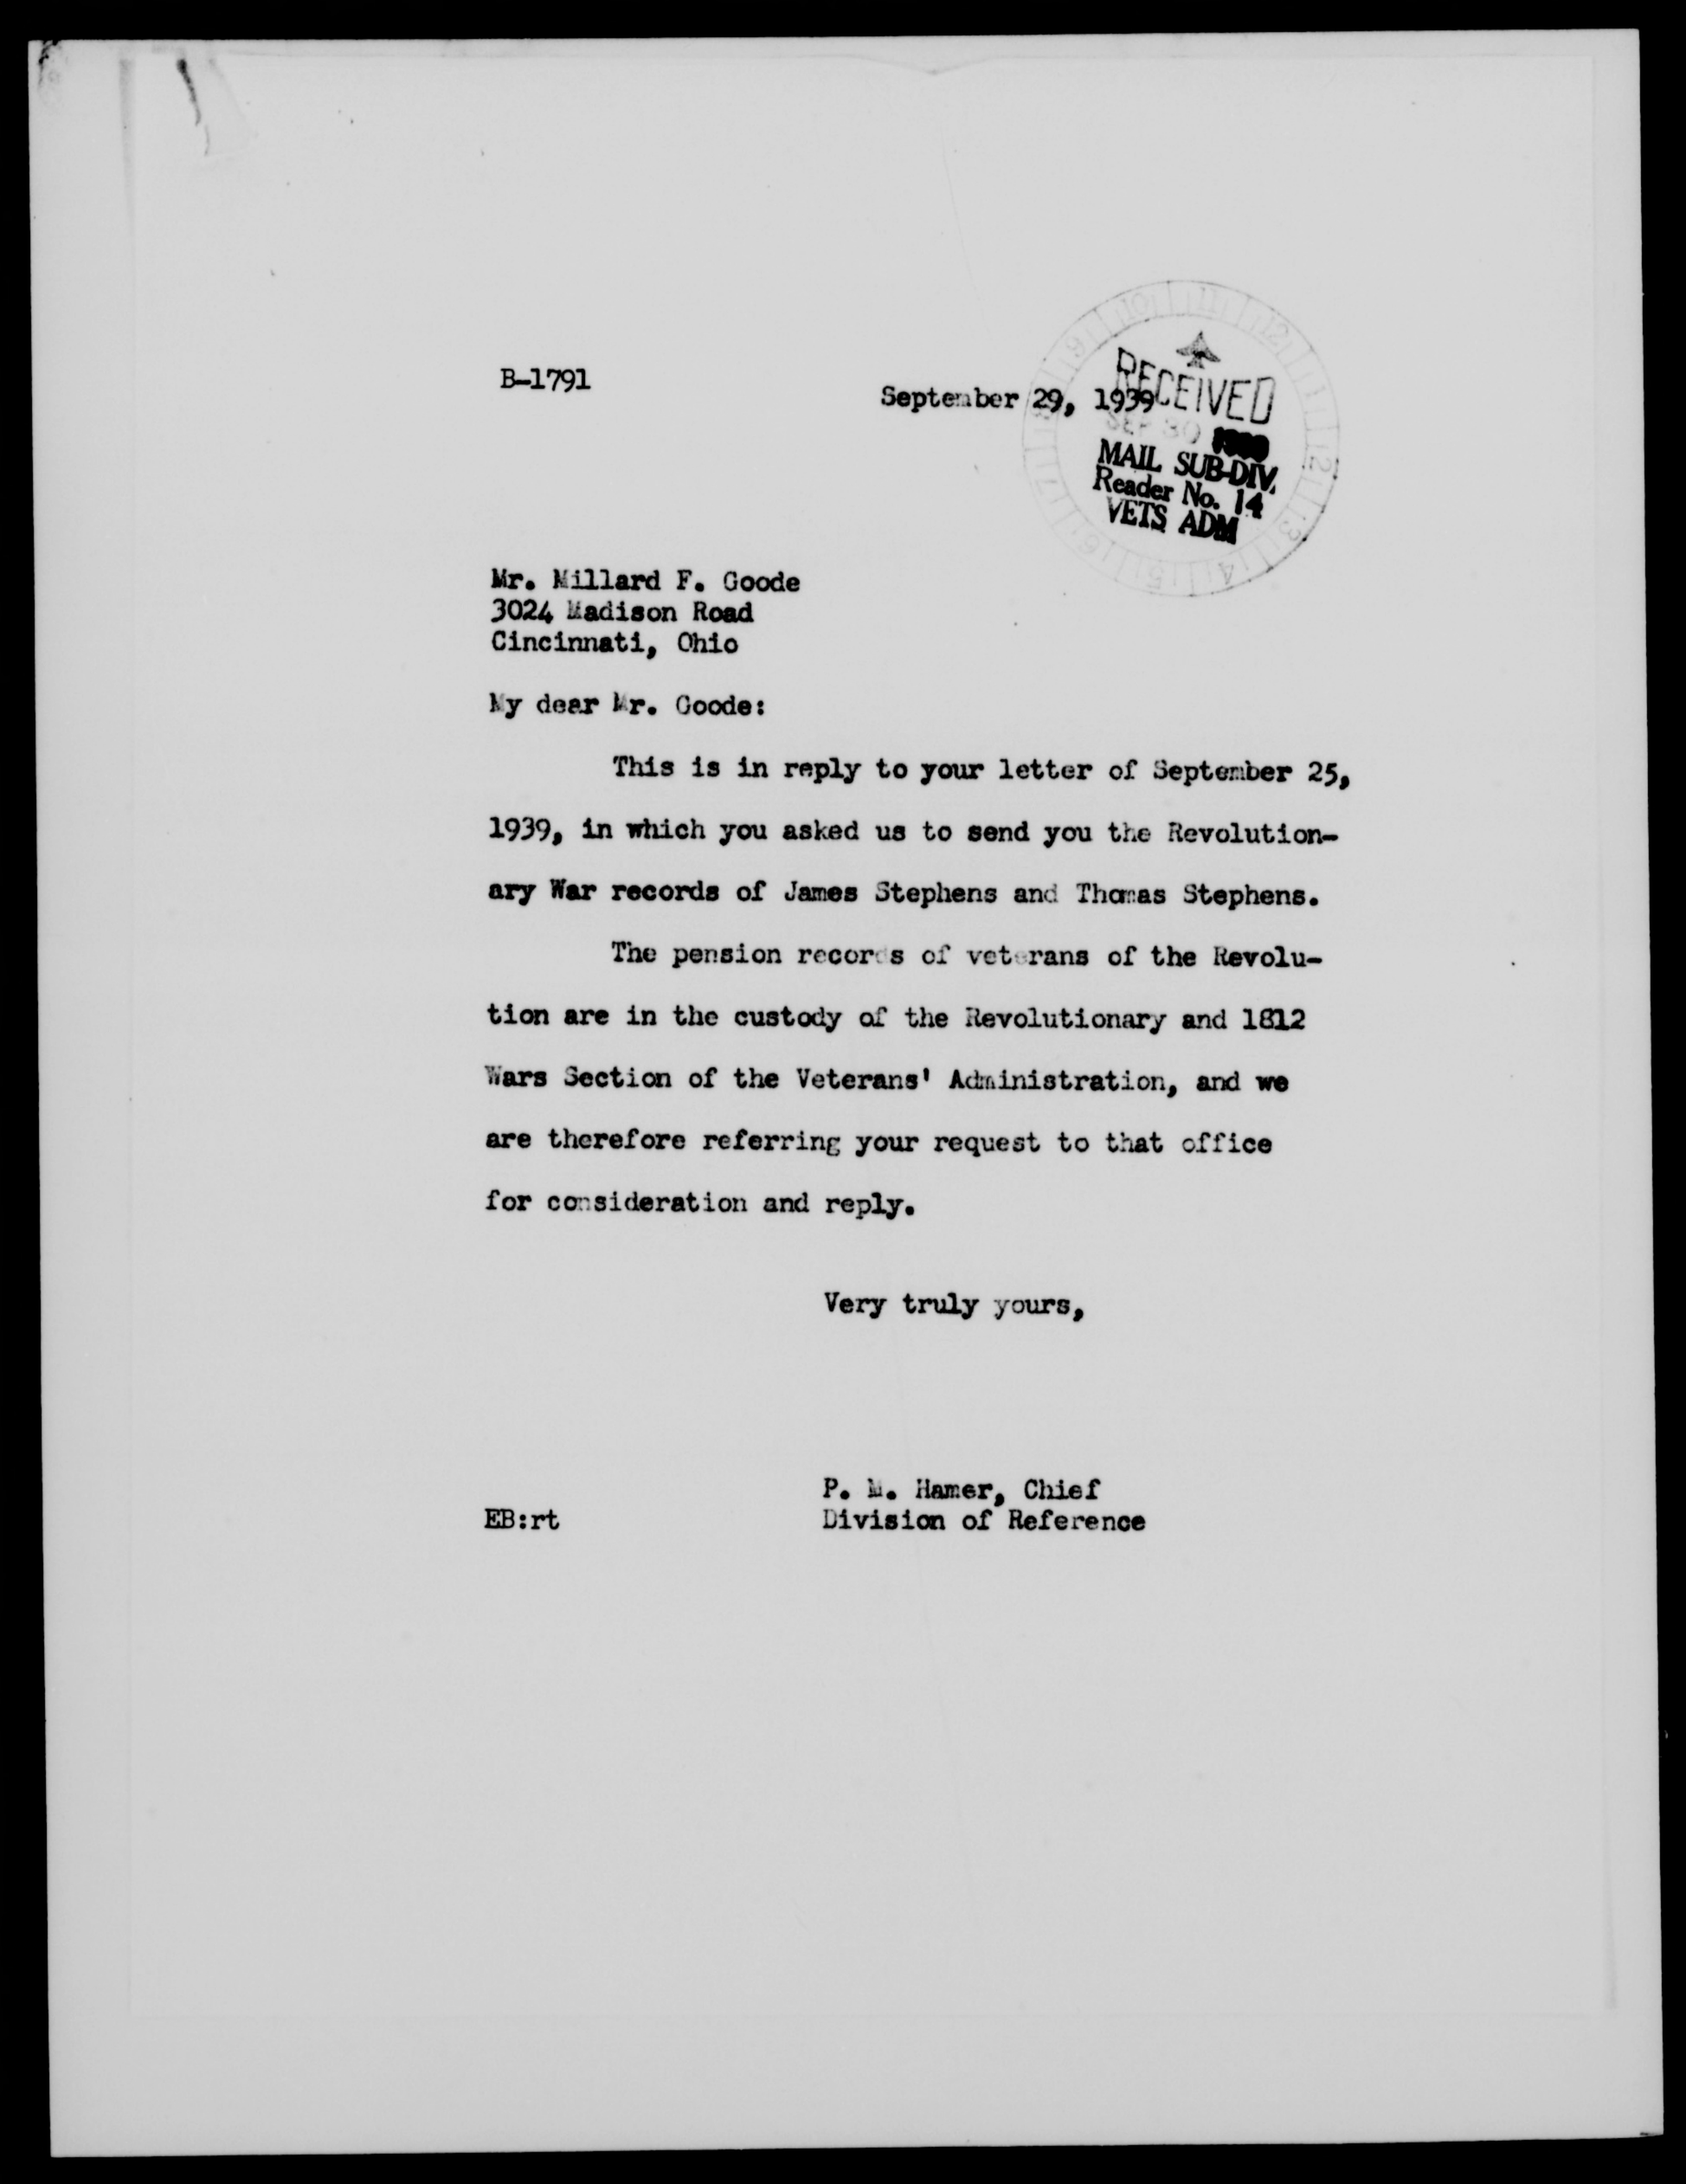RECEIVED
SEP 30 1939
MAIL SUB-DIV
Reader No. 14
VETS ADM

B-1791
September 29, 1939
Mr. Millard F. Goode
3024 Madison Road
Cincinnati, Ohio
My dear Mr. Goode:

This is in reply to your letter of September 25,
1939, in which you asked us to send you the Revolutionary War records of James Stephens and Thomas Stephens.
The pension records of veterans of the Revolution are in the custody of the Revolutionary and 1812 Wars Section of the Veterans' Administration, and we are therefore referring your request to that office
for consideration and reply.
Very truly yours,
P. M. Hamer, Chief
Division of Reference
EB:rt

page: 36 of 99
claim: widow's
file: W 8766, for James Stevens, Virginia